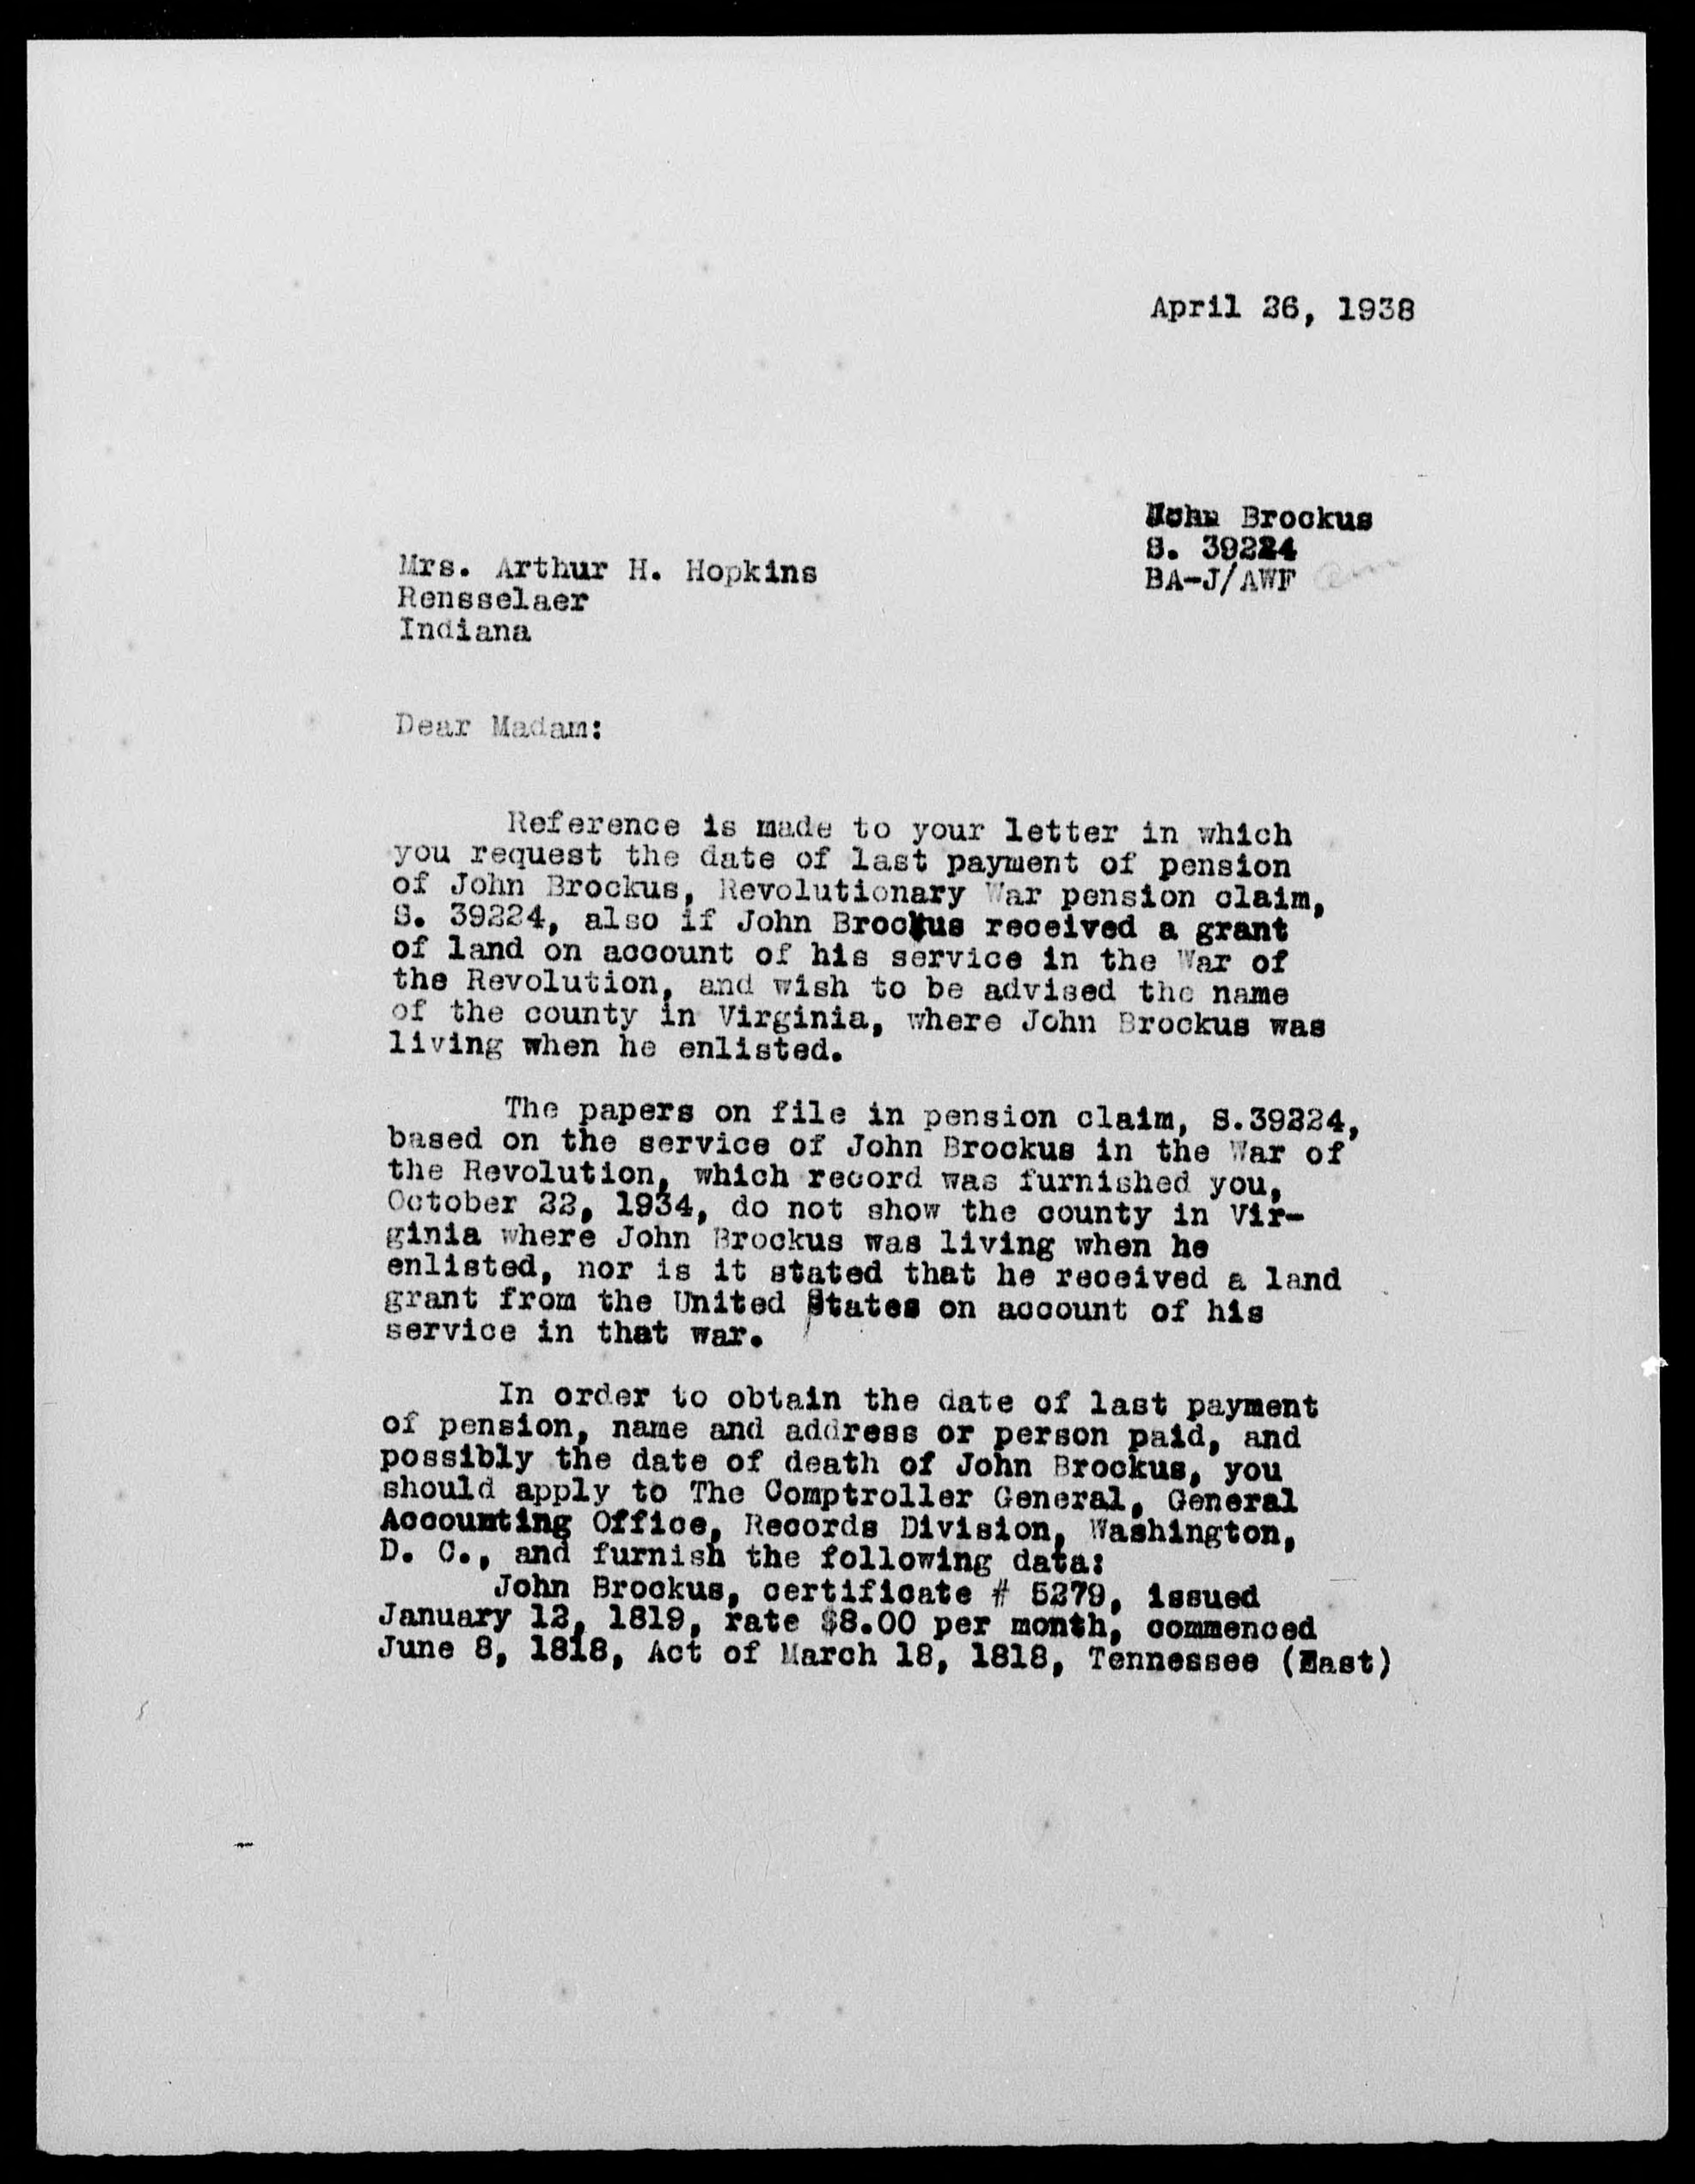April 26, 1938
John Brockus 
S. 392444
BA-J/AWF
Mrs. Arthur H. Hopkins 
Rensselaer
Indiana
Dear Madam: 
Reference is made to your letter in which you request the date of the last payment of pension of John Brockus, Revolutionary War pension claim, S. 39224, also if John Brockus received a grant of land on account of his service in the War of the Revolution, and wish to be advised the name of the county in Virginia, where John Brockus was living when he enlisted.

The papers on file in pension claim, S. 39224, based on the service of John Brockus in the War of the Revolution, which record was furnished you, October 22, 1934, do not show the county in Virginia where John Brockus was living when he enlisted, nor is it stated that received a land grant from the United States on account of his service in that war.

In order to obtain the date of last payment of pension, name and address or person paid, and possibly the date of death of John Brockus, you should apply to the Comptroller General, General Accounting Office, Records Division, Washington, D. C., and furnish the following data:
John Brockus, certificate # 5278, issued January 12, 1819, rate $8.00 per month, commenced June 8, 1818, Act of March 18, 1818, Tennessee (East)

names: John Brockus, John Brockus, John Brockus, John Brockus, John Brockus, John Brockus, John Brockus, John Brockus, Arthur H Hopkins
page: 10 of 19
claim: survivor's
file: S. 39,224, John Brockus, Va.